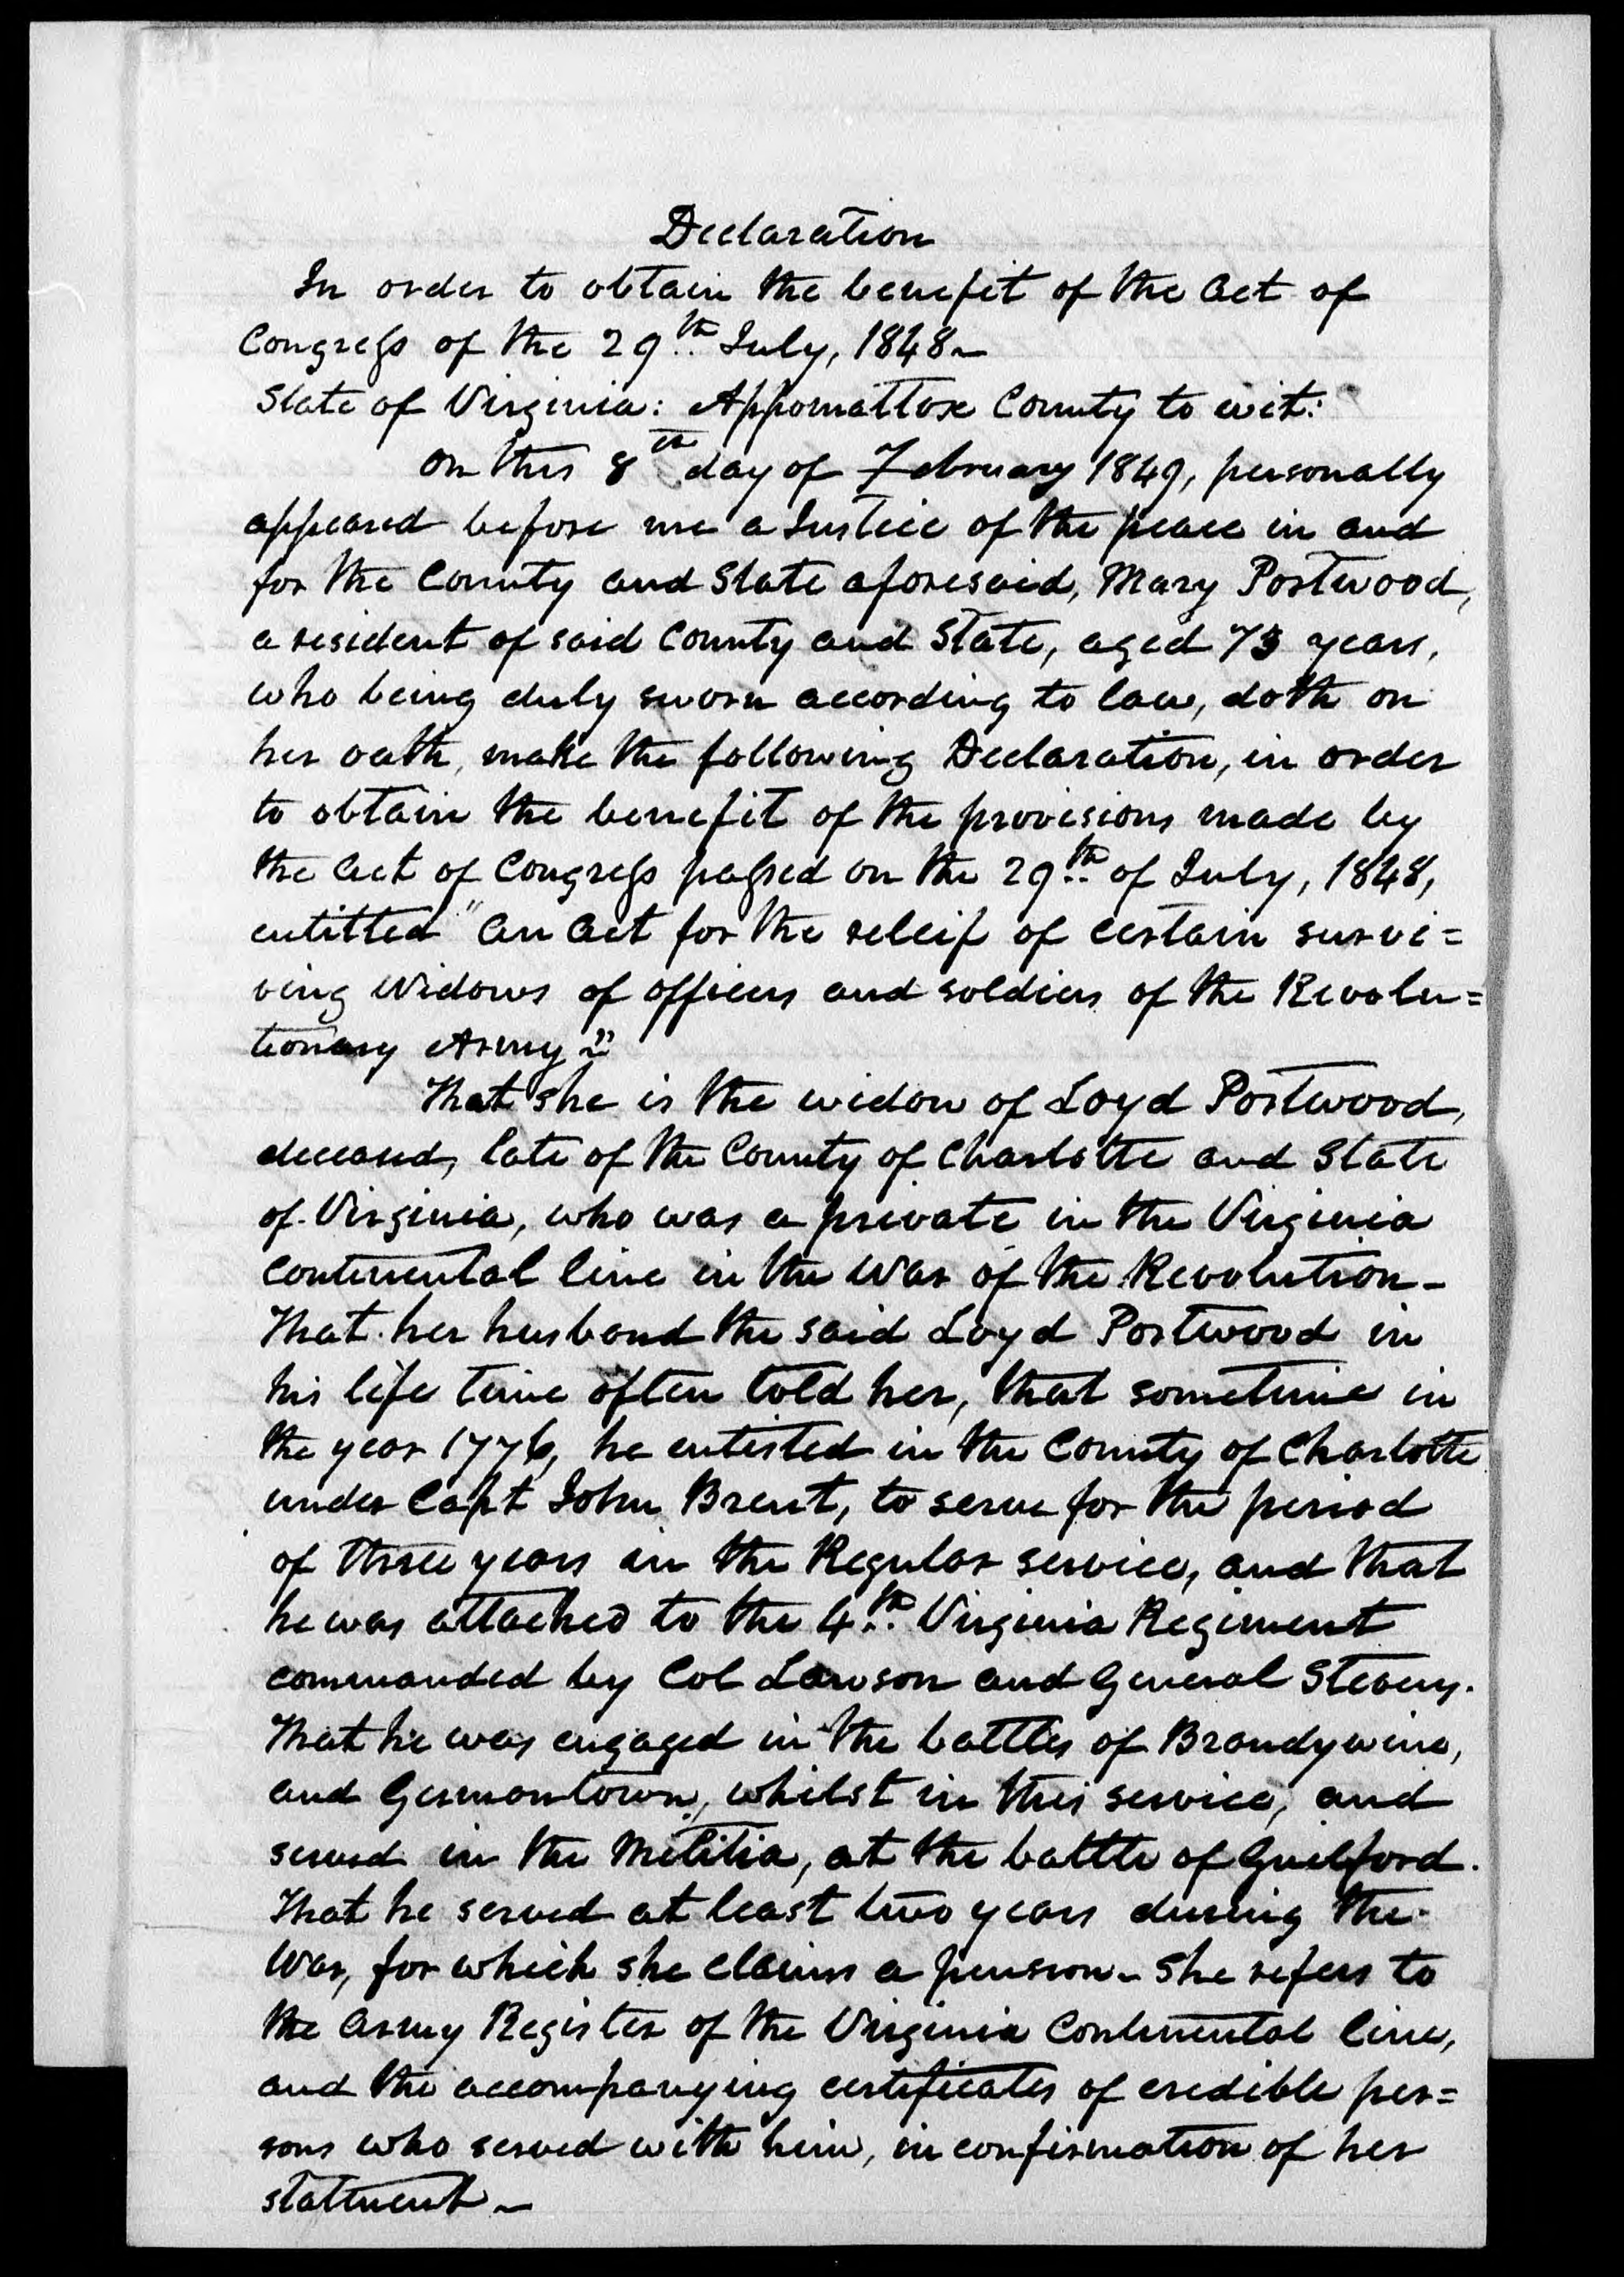Declaration
In order to obtain the benefit of the act of
Congress of the 29th July, 1848.
State of Virginia: Appomattox County to wit:
On this 8th day of February 1849, personally
appeared before me a Justice of the peace in and
for the County and State aforesaid, Mary Portwood,
a resident of said County and State, aged 73 years,
who being duly sworn according to law, doth on
her oath, make the following Declaration, in order
to obtain the benefit of the provisions made by
the act of Congress passed on the 29th of July, 1848,
entitled "An act for the relief of certain surviving 
widows of officers and soldiers of the Revolutionary 
Army."
That she is the widow of Loyd Portwood,
deceased, late of the County of Charlotte and State 
of Virginia, who was a private in the Virginia
continental line in the war of the Revolution.
That her husband the said Loyd Portwood in
his life time often told her, that sometime in
the year 1776, he enlisted in the County of Charlotte
under Capt John Brent, to serve for the period
of three years in the Regular service, and that
he was attached to the 4th Virginia Regiment
commanded by Col Lawson and General Stevens.
That he was engaged in the battles of Brandywine,
and Germantown, whilst in this service, and
served in the Militia, at the battle of Guilford.
That he served at least two years during the
war, for which she claims a pension. She refers to
the Army Register of the Virginia Continental line,
and the accompanying certificates of credible persons 
who served with him, in confirmation of her
statement.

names: Loyd Portwood; Mary Portwood; John Brent; [BLANK] Stevens; [BLANK] Lawson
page: 4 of 50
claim: widow's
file: W. 1929, for Lloyd Portwood, Virginia